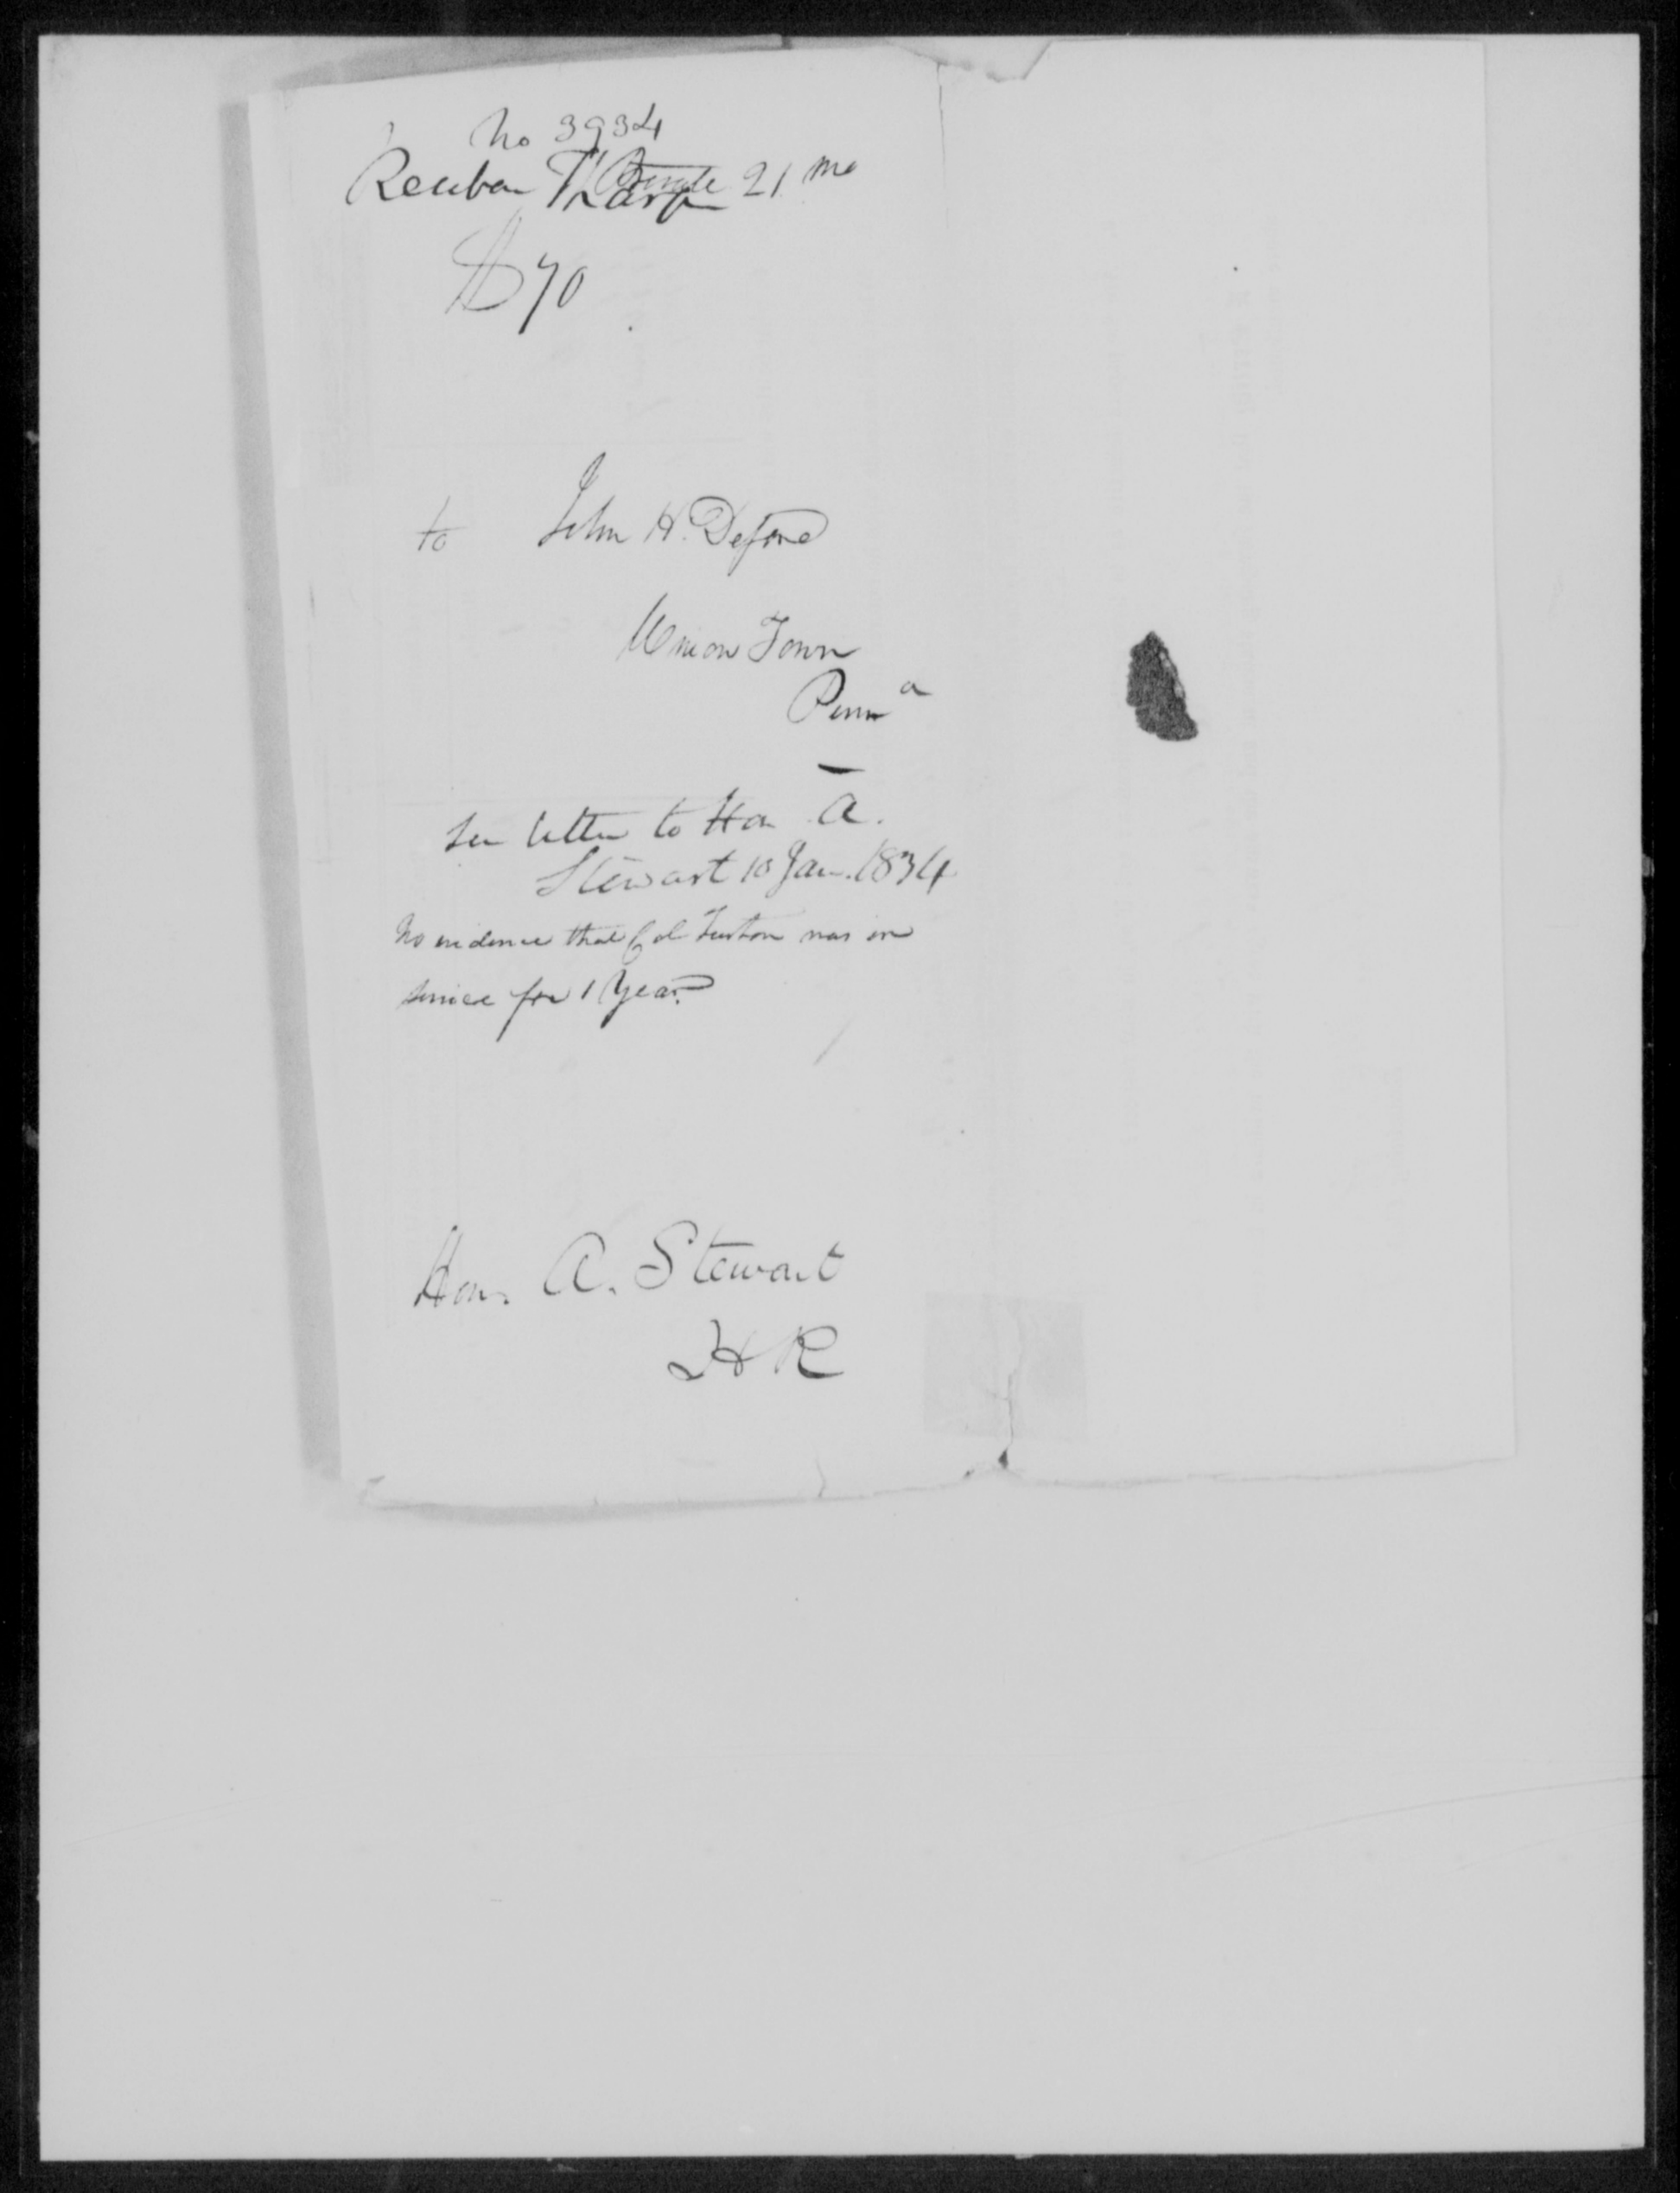No 2934
Private 21 Mo
Reuben Thorp
$70
to John H. Defore
Union Town
Penn a
In letter to Hon A.
Stewart 10 Jan 1834
No evidence that Col Turton was in
service for 1 year
Hon A. Stewart
H. R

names: [BLANK] Tuston; John H Defond; A Stewart; Reuben Tharp; A Stewart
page: 3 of 28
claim: survivor's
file: S. 6229, for Reuben Thorp, New Jersey